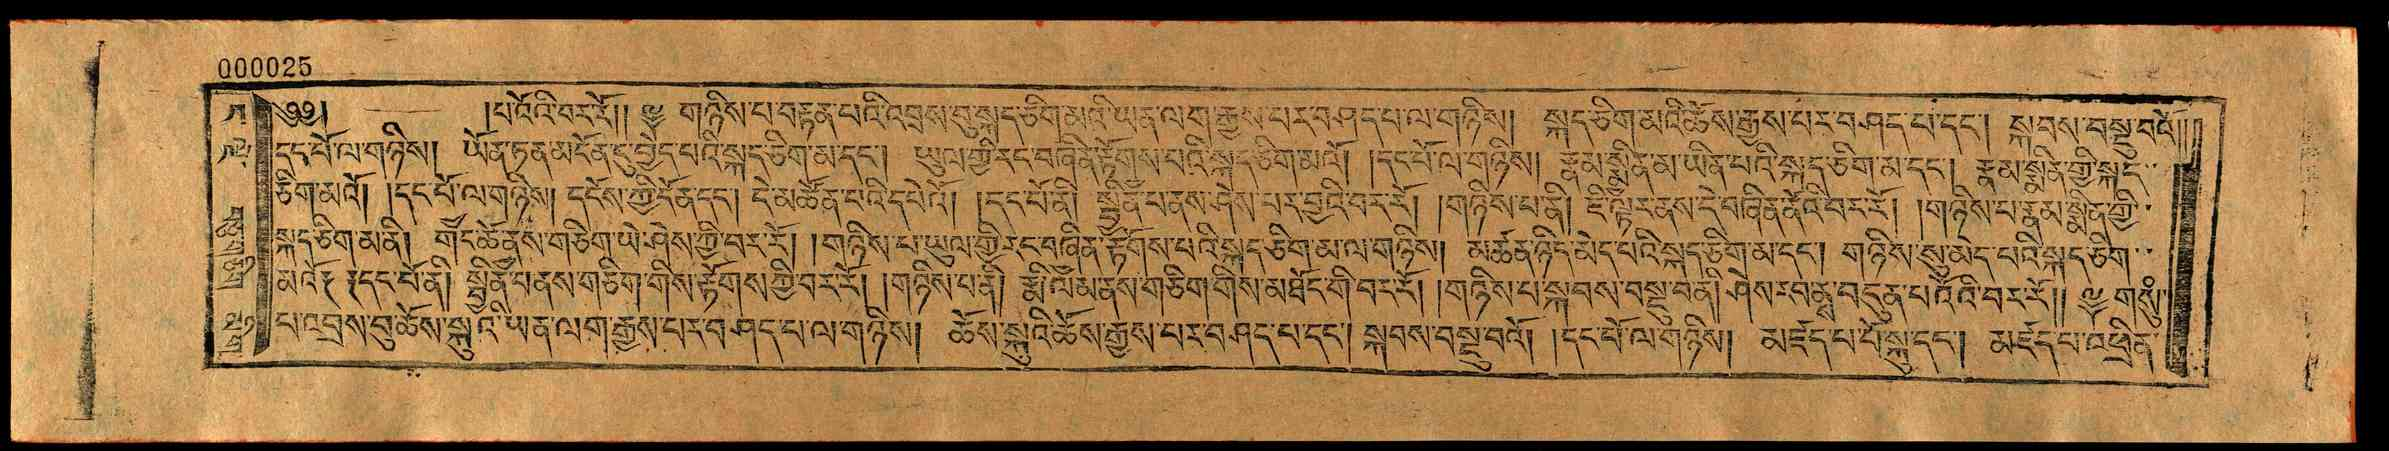༄༅། །པ་འོའི་བར་རོ།། ༈ གཉིས་པ་བརྟན་པའི་འབྲས་བུ་སྐད་ཅིག་མའི་ཡན་ལག་རྒྱས་པར་བཤད་པ་ལ་གཉིས། སྐད་ཅིག་མའི་ཆོས་རྒྱས་པར་བཤད་པ་དང་། སྐབས་བསྡུ་བའོ་
དང་པོ་ལ་གཉིས། ཡོན་ཏན་མངོན་དུ་བྱེད་པའི་སྐད་ཅིག་མ་དང་། ཡུལ་གྱི་རང་བཞིན་རྟོགས་པའི་སྐད་ཅིག་མའོ། །དང་པོ་ལ་གཉིས། རྣམ་སྨིན་མ་ཡིན་པའི་སྐད་ཅིག་མ་དང་། རྣམ་སྨིན་གྱི་སྐད་
ཅིག་མའོ། །དང་པོ་ལ་གཉིས། དངོས་ཀྱི་དོན་དང་། དེ་མཚོན་པའི་དཔེའོ། །དང་པོ་ནི། སྦྱིན་པ་ནས་ཤེས་པར་བྱའི་བར་རོ། །གཉིས་པ་ནི། ཇི་ལྟར་ནས་དེ་བཞིན་ནོའི་བར་རོ། །གཉིས་པ་རྣམ་སྨིན་གྱི་
སྐད་ཅིག་མ་ནི། གང ༤་ཚེ་ནས་གཅིག་ཡེ་ཤེས་ཀྱི་བར་རོ། །གཉིས་པ་ཡུལ་གྱི་རང་བཞིན་རྟོགས་པའི་སྐད་ཅིག་མ་ལ་གཉིས། མཚན་ཉིད་མེད་པའི་སྐད་ཅིག་མ་དང་། གཉིས་སུ་མེད་པའི་སྐད་ཅིག་
མའོ༑ ༑དང་པོ་ནི། སྦྱིན ༤་པ་ནས་གཅིག་གིས་རྟོགས་ཀྱི་བར་རོ། །གཉིས་པ་ནི། རྨི་ལམ་ནས་གཅིག་གིས་མཐོང་གི་བར་རོ། །གཉིས་པ་སྐབས་བསྡུ་བ་ནི། ཤེས་རབ་ནས་བདུན་པ་འོའི་བར་རོ།། ༈ གསུམ་
པ་འབྲས་བུ་ཆོས་སྐུའི་ཡན་ལག་རྒྱས་པར་བཤད་པ་ལ་གཉིས། ཆོས་སྐུའི་ཆོས་རྒྱས་པར་བཤད་པ་དང་། སྐབས་བསྡུ་བའོ། །དང་པོ་ལ་གཉིས། མཛད་པ་པོ་སྐུ་དང་། མཛད་པ་འཕྲིན་